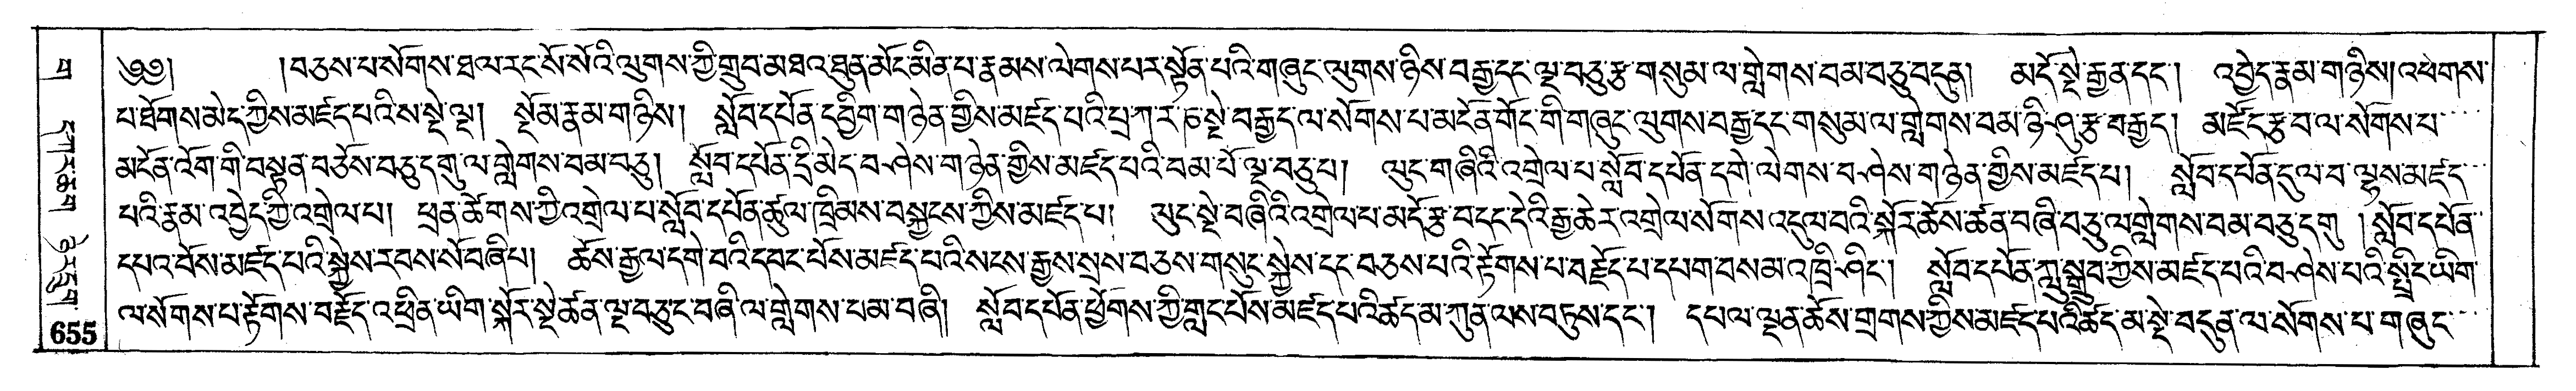༄༅། །བཅས་པ་སོགས་ཐལ་རང་སོ་སོའི་ལུགས་ཀྱི་གྲུབ་མཐའ་ཐུན་མོང་མིན་པ་རྣམས་ལེགས་པར་སྟོན་བའི་གཞུང་ལུགས་ཉིས་བརྒྱ་དང་ལྔ་བཅུ་རྩ་གསུམ་ལ་གླེགས་བམ་བཅུ་བདུན། མདོ་སྡེ་རྒྱན་དང་། འབྱེད་རྣམ་གཉིས། འཕགས་
པ་ཐོགས་མེད་ཀྱིས་མཛད་པའི་ས་སྡེ་ལྔ། སྔོམ་རྣམ་གཉིས། སློབ་དཔོན་དབྱིག་གཉེན་གྱིས་མཛད་པའི་པྲ་ཀ་ར་ཎ་སྡེ་བརྒྱད་ལ་སོགས་པ་མངོན་གོང་གི་གཞུང་ལུགས་བརྒྱ་དང་གསུམ་ལ་གླེགས་བམ་ཉི་ཤུ་རྩ་བརྒྱད། མཛོད་རྩ་བ་ལ་སོགས་པ་
མངོན་འོག་གི་བསྟན་བཅོས་བཅུ་དགུ་ལ་གླེགས་བམ་བཅུ། སློབ་དཔོན་དྲི་མེད་བཤེས་གཉེན་གྱིས་མཛད་པའི་བམ་པོ་ལྔ་བཅུ་པ། ལུང་གཞིའི་འགྲེལ་པ་སློབ་དཔོན་དགེ་ལེགས་བཤེས་གཉེན་གྱིས་མཛད་པ། སློབ་དཔོན་དུལ་བ་ལྷས་མཛད་
པའི་རྣམ་འབྱེད་ཀྱི་འགྲེལ་པ། ཕྲན་ཚེགས་ཀྱི་འགྲེལ་པ་སློབ་དཔོན་ཚུལ་ཁྲིམས་བསྐྱངས་ཀྱིས་མཛད་པ། ལུང་སྡེ་བཞིའི་འགྲེལ་པ་མདོ་རྩ་པ་དང་དེའི་རྒྱ་ཆེར་འགྲེལ་སོགས་འདུལ་བའི་སྐོར་ཆོས་ཚན་བཞི་བཅུ་ལ་གླེགས་བམ་བཅུ་དགུ །སློབ་དཔོན་
དཔའ་བོས་མཛད་པའི་སྐྱེས་རབས་སོ་བཞི་པ། ཆོས་རྒྱལ་དགེ་བའི་དབང་པོས་མཛད་པའི་སངས་རྒྱས་སྲས་བཅས་གསུང་སྐྱེས་དང་བཅས་པའི་རྟོགས་པ་བརྗོད་པ་དཔག་བསམ་འཁྲི་ཤིང་། སློབ་དཔོན་ཀླུ་སྒྲུབ་ཀྱིས་མཛད་པའི་བཤེས་པའི་སྤྲིང་ཡིག་
ལ་སོགས་པ་རྟོགས་བརྗོད་འཕྲིན་ཡིག་སྐོར་སྡེ་ཚན་ལྔ་བཅུ་ང་བཞི་ལ་གླེགས་བམ་བཞི། སློབ་དཔོན་ཕྱོགས་ཀྱི་གླང་པོས་མཛད་པའི་ཚད་མ་ཀུན་ལས་བཏུས་དང་། དཔལ་ལྡན་ཆོས་གྲགས་ཀྱིས་མཛད་པའི་ཚད་མ་སྡེ་བདུན་ལ་སོགས་པ་གཞུང་